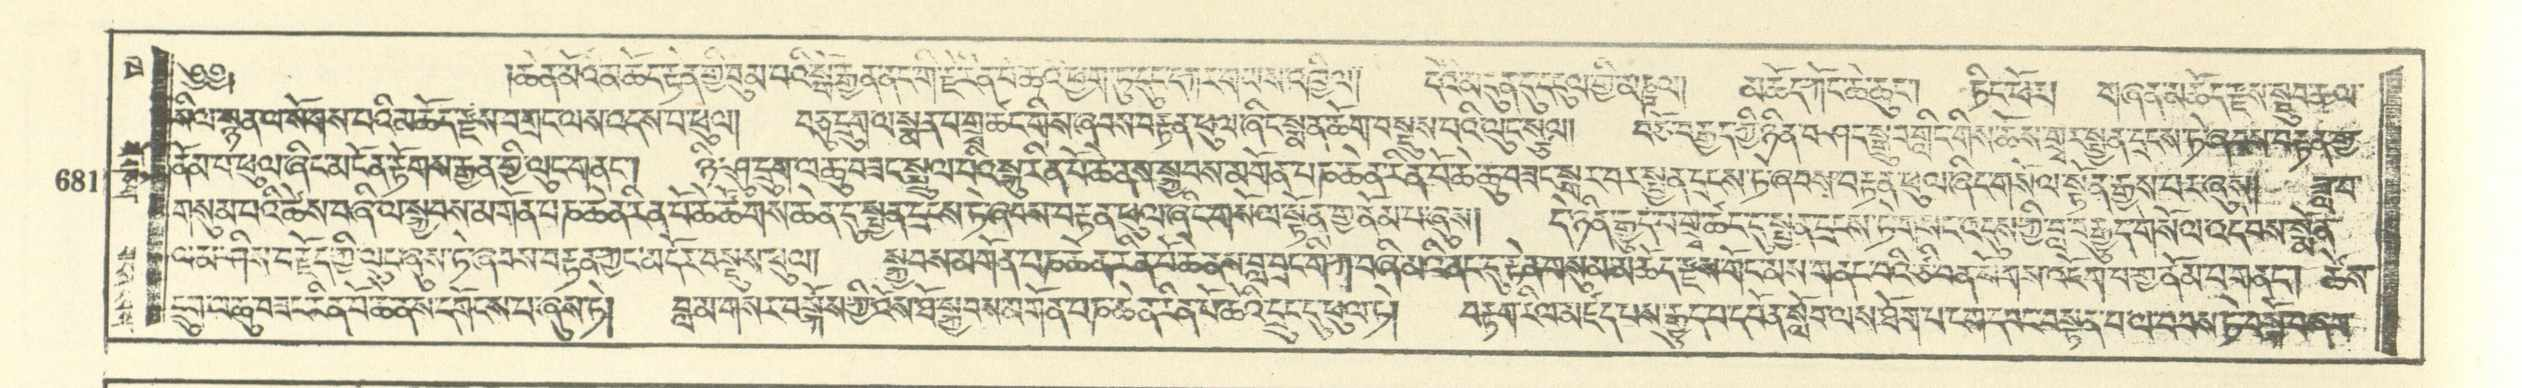༄༅། །ཆེན་མོའི་མཆོད་རྟེན་གྱི་བུམ་པའི་སྒོ་རྒྱན་ནང་གི་རྗེ་རིན་པོ་ཆེའི་ཕྱག་ཏུ་དུང་དཀར་གཡས་འཁྱིལ། དེའི་མདུན་དུ་དངུལ་གྱི་མཎྜལ། མཆོད་ཀོང་ཆེ་ཆུང་། ཏིང་ཕོར། གཞན་མཆོད་རྫས་སྦུབ་ཆལ་
སིལ་སྙན་ལ་སོགས་པའི་མཆོད་རྫས་བགྲང་ལས་འདས་པ་ཕུལ། བཅུ་དྲུག་ལ་སྨན་པ་གྲྭ་ཚང་གིས་ཞབས་བརྟན་ཕུལ་ཞིང་སྨན་ཆོག་བསྡུས་པའི་ལུང་སྩལ། བཅོ་བརྒྱད་ཀྱི་ཉིན་བཤད་སྒྲུབ་གླིང་གིས་ཆོས་གྲྭར་སྤྱན་དྲངས་ཏེ་ཞབས་བརྟན་གྱ་
ནོམ་པ་ཕུལ་ཞིང་མངོན་རྟོགས་རྒྱན་གྱི་ལུང་གནང་། ཉི་ཤུ་དྲུག་ལ་ཆུ་བཟང་སྤྲུལ་པའི་སྐུ་རིན་པོ་ཆེ་ནས་སྐྱབས་མགོན་པཎ་ཆེན་རིན་པོ་ཆེ་ཆུང་བཟང་སྒར་བར་སྤྱན་དྲངས་ཏེ་ཞབས་བརྟན་ཕུལ་ཞིང་གསོལ་སྟོན་རྒྱས་པར་ཞུས། ཟླ་བ་
གསུམ་པའི་ཚེས་བཞི་ལ་སྐྱབས་མགོན་པཎ་ཆེན་རིན་པོ་ཆེ་ཚོགས་ཆེན་དུ་སྤྱན་དྲངས་ཏེ་ཞབས་བརྟན་ཕུལ་ཞིང་གསོལ་སྟོན་གྱ་ནོམ་པ་ཞུས། དེ་ཉིན་རྒྱུད་པ་གྲྭ་ཚང་དུ་སྤྱན་དྲངས་ཏེ་གསང་འདུས་ཀྱི་བླ་བརྒྱུད་གསོལ་འདེབས་སྨོན་
ལམ་ཤིས་བརྗོད་ཀྱི་ལུང་ཞུས་ཏེ་ཞབས་བརྟན་ཀྱང་མདོར་བསྡུས་ཕུལ། སྐྱབས་མགོན་པཎ་ཆེན་རིན་པོ་ཆེ་ནས་བླ་བྲང་གི་ཀ་བཞི་མའི་ནང་དུ་རྟེན་གསུམ་མཆོད་རྫས་གོང་མས་གནང་བའི་ཙི་བན་སོགས་འཇོག་པ་གྱ་ནོམ་པ་གནང་། ཚེས་
དྲུག་ལ་ཆུ་བཟང་རིན་པོ་ཆེ་ནས་དགོངས་པ་ཞུས་ཏེ། བླ་མ་གསར་བསྐོས་ཀྱི་འོས་ཐོ་སྐྱབས་མགོན་པཎ་ཆེན་རིན་པོ་ཆེའི་དྲུང་དུ་ཕུལ་ཏེ། བརྟག་རིལ་མཛད་པས་རྒྱུད་པ་དབོན་སློབ་ལས་ཐོག་པ་ངག་དབང་བསྟན་པ་ལ་བབས་ཏེ་བསྐོ་བཞག་